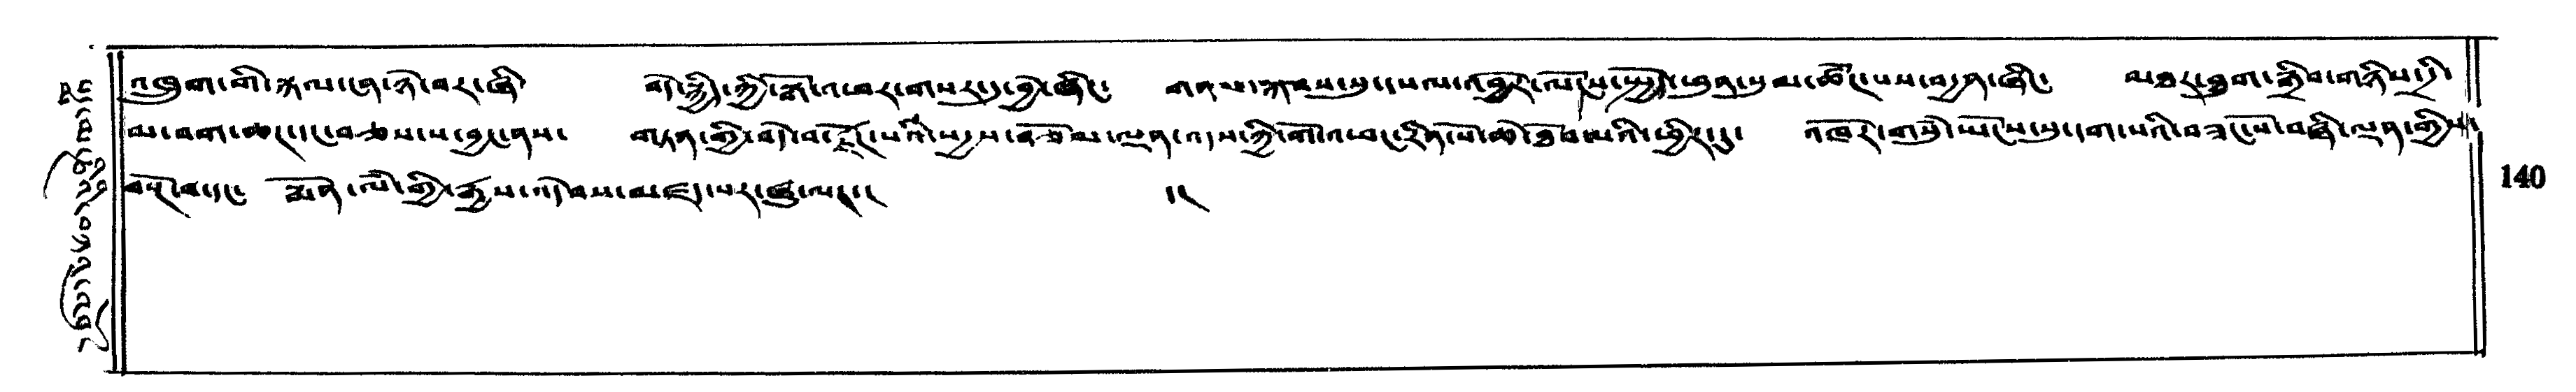འཁྲུག་གི་སྐལ་ངན་ཉེ་བར་ཞི་ནས་བདེ་སྐྱིད་ཀྱི་སྒོ་འཕར་གསར་དུ་བྱེ་ཞིང་། གནས་སྐབས་སུ་དཔལ་འབྱོར་ལོངས་སྤྱོད་ཕུན་སུམ་ཚོགས་པ་དང་།མཐར་ཐུག་སྒྲིབ་གཉིས་དྲི་
མ་བག་ཆགས་དང་བཅས་པ་བྱང་ནས། གཏན་གྱི་བདེ་བ་རྫོགས་པའི་སངས་རྒྱས་བཅོམ་ལྡན་འདས་ཀྱི་གོ་འཕང་རིན་པོ་ཆེ་འཐོབ་པའི་ཕྱིར་དུ། འཁོར་གསུམ་ཡོངས་སུ་དག་པའི་བཟང་པོ་བཞི་ལྡན་གྱི་
བསྔོ་བ་དང་། སྨོན་ལམ་གྱིས་རྒྱས་འདེབས་མཛད་པར་ཞུ་ལགས།། །།